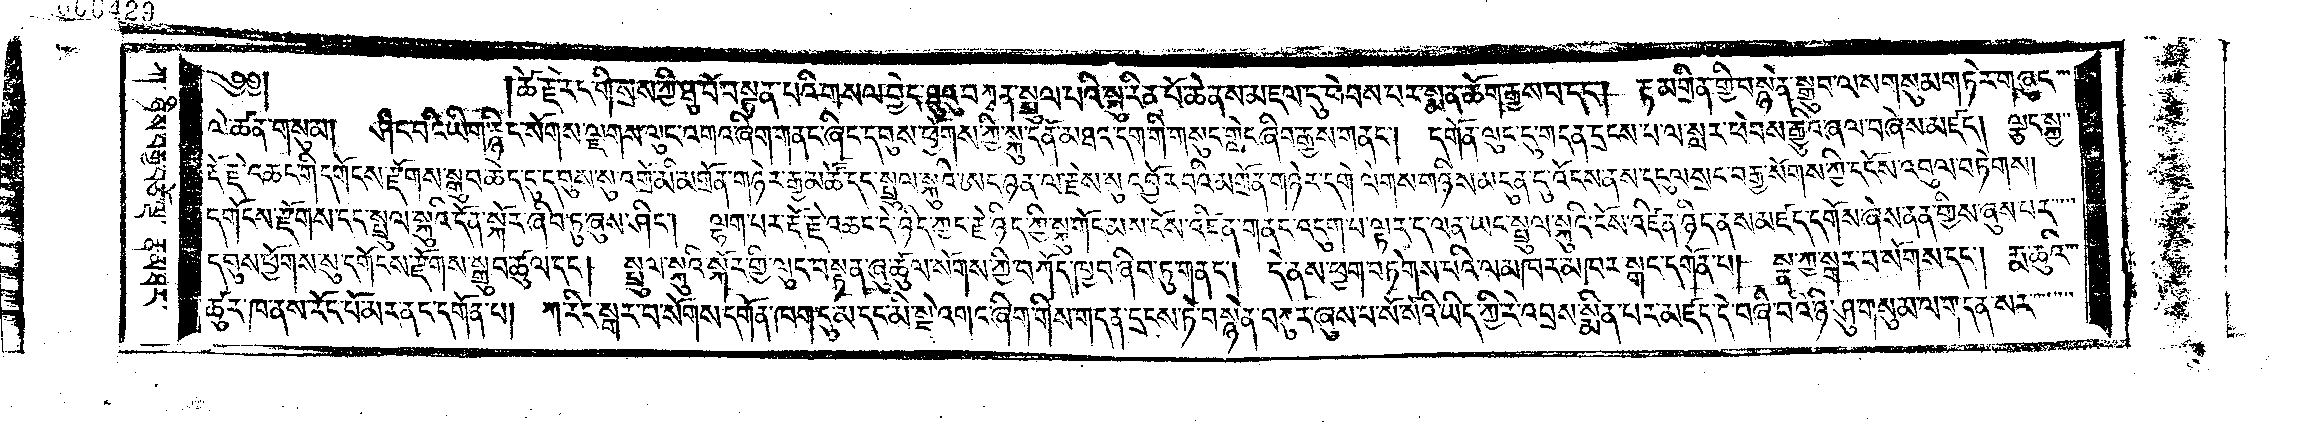༄༅། །ཚེ་རྗེ་རང་གི་སྲས་ཀྱི་ཐུ་བོ་བསྟན་པའི་གསལ་བྱེད་ཐུའུ་བཀྭན་སྤྲུལ་བའི་སྐུ་རིན་པོ་ཆེ་ནས་མཇལ་དུ་ཕེབས་བར་སྨན་ཆོག་རྒྱས་པ་དང་། རྟ་མགྲིན་གྱི་བསྙེན་སྒྲུབ་ལས་གསུམ་གཏེར་གཞུང་
ལེ་ཚན་གསུམ། ཤིང་བའི་ཡིག་རྙིང་སོགས་ལྗགས་ལུང་འགའ་ཞིག་གནང་ཞིང་དབུས་ཕྱོགས་ཀྱི་སྐུ་དོན་མཐའ་དག་གི་གསུང་གླེང་ཞིབ་རྒྱས་གནང་། དགོན་ལུང་དུ་གདན་དྲངས་པ་ལ་སླར་ཕེབས་རྒྱུའི་ཞལ་བཞེས་མཛད། ལྕང་སྐྱ་
རྡོ་རྗེ་འཆང་གི་དགོངས་རྫོགས་སྒྲུབ་ཆེད་དུ་དབུས་སུ་འགྲོ་མི་མགྲོན་གཉེར་རྒྱ་མཚོ་དང་སྤྲུལ་སྐུའི་ཨང་ཉན་ལ་རྗེས་སུ་འབྱོར་བའི་མགྲོན་གཉེར་དགེ་ལེགས་གཉིས་མདུན་དུ་འོངས་ནས་དངུལ་སྲང་བརྒྱ་སོགས་ཀྱི་དངོས་འབུལ་བཏེགས།
དགོངས་རྫོགས་དང་སྤྲུལ་སྐུའི་དོན་སྐོར་ཞིབ་ཏུ་ཞུས་ཤིང་། ལྷག་པར་རྡོ་རྗེ་འཆང་དེ་ཉིད་ཀྱང་རྗེ་ཉིད་ཀྱི་སྐུ་གོང་མས་ངོས་འཛིན་གནང་འདུག་པ་ལྟར་ད་ལན་ཡང་སྤྲུལ་སྐུའི་ངོས་འཛིན་ཉིད་ནས་མཛད་དགོས་ཞེས་ནན་གྱིས་ཞུས་པར་
དབུས་ཕྱོགས་སུ་དགོངས་རྫོགས་སྒྲུབ་ཚུལ་དང་། སྤྲུལ་སྐུའི་སྐོར་གྱི་ལུང་བསྟན་ཞུ་ཚུལ་སོགས་ཀྱི་བཀོད་ཁྱབ་ཞིབ་ཏུ་གནང་། དེ་ནས་ཕྱག་བཏེགས་པའི་ལམ་ཁར་མཁར་སྒང་དགོན་པ། སྣ་ཀྱ་སྒར་བ་སོགས་དང་། རྨ་ཆུའི་
ཚུར་ཁ་ནས་རོང་པོ་མར་ནང་དགོན་པ། ཀ་རིང་སྒར་བ་སོགས་དགོན་ཁག་དུ་མ་དང་མི་སྡེ་འགའ་ཞིག་གིས་གདན་དྲངས་ཏེ་བསྙེན་བཀུར་ཞུས་བ་སོ་སོའི་ཡིད་ཀྱི་རེ་འབྲས་སྨིན་པར་མཛད་དེ་བཞི་བའི་ཉི་ཤུ་གསུམ་ལ་གདན་སར་